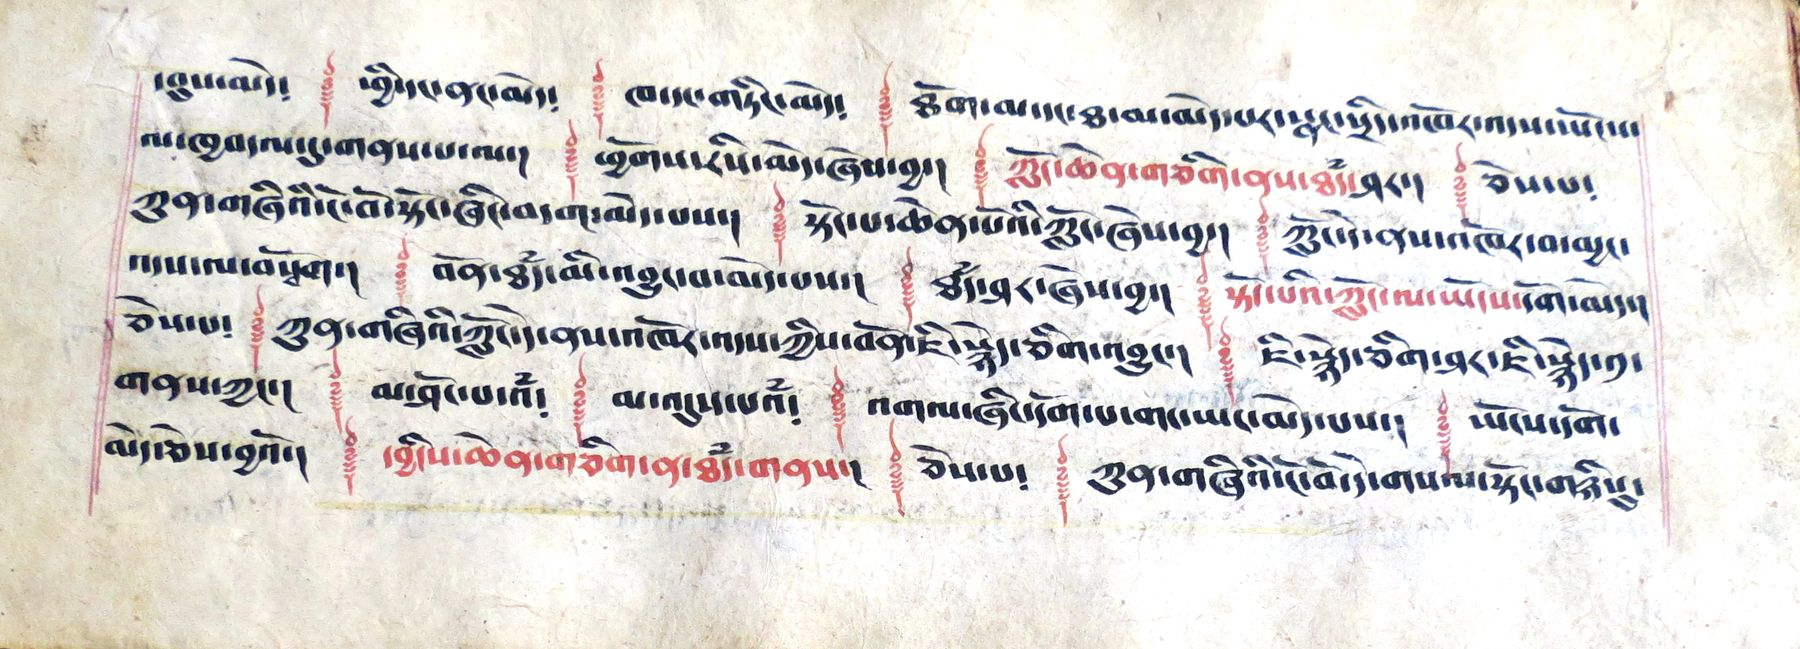དབུས་མེད། ཕྱི་དང་ནང་མེད། ཁ་དང་གཏིང་མེད། ཐོག་མ་དང་ཐ་མ་མེད་པར་སྣང་སྲིད་འཁོར་འདས་ཡོངས་
ལ་ཁྱབ་བདལ་དུ་གནས་པས་ཕྱོགས་རིས་མེད་ཅེས་བྱ། ཀློང་ཆེན་གཅིག་ནས་ཐམས་ཅད་ཤར། །ཅེས་པས་
ཀུན་གཞིའི་ངོ་བོ་སྟོང་ཞིང་བདག་མེད་པས། སྟོང་པ་ཆེན་པོའི་ཀློང་ཞེས་བྱ། ཀློང་དེ་ནས་འཁོར་བ་མྱང་
འདས་ལས་སོགས། བོན་ཐམས་ཅད་མི་འབྱུང་པ་མེད་པས་ཐམས་ཅད་ཤར་ཞེས་བྱ། སྟོང་པའི་ཀློང་ལ་ཡངས་དོག་མེད། 
།ཅེས་པས་ཀུན་གཞིའི་ཀློང་དེ་ནས་འཁོར་འདས་ཀྱི་བོན་ཇི་སྙེད་ཅིག་བྱུང་། ཇི་སྙེད་ཅིག་ཤར། ཇི་སྙེད་ཅིག་
གནས་ཀྱང་། མ་ཤོང་པའམ། མ་འདུས་པའམ་འགལ་ཞིང་དོག་པ་གང་ཡང་མེད་པས་ཡངས་དོག་
མེད་ཅེས་བྱའོ། །དབྱིངས་ཆེན་གཅིག་ན་ཐམས་ཅད་གནས་ཞེས་པས། ཀུན་གཞིའི་ངོ་བོ་དེ་གསལ་སྟོང་གཉིས་སུ་